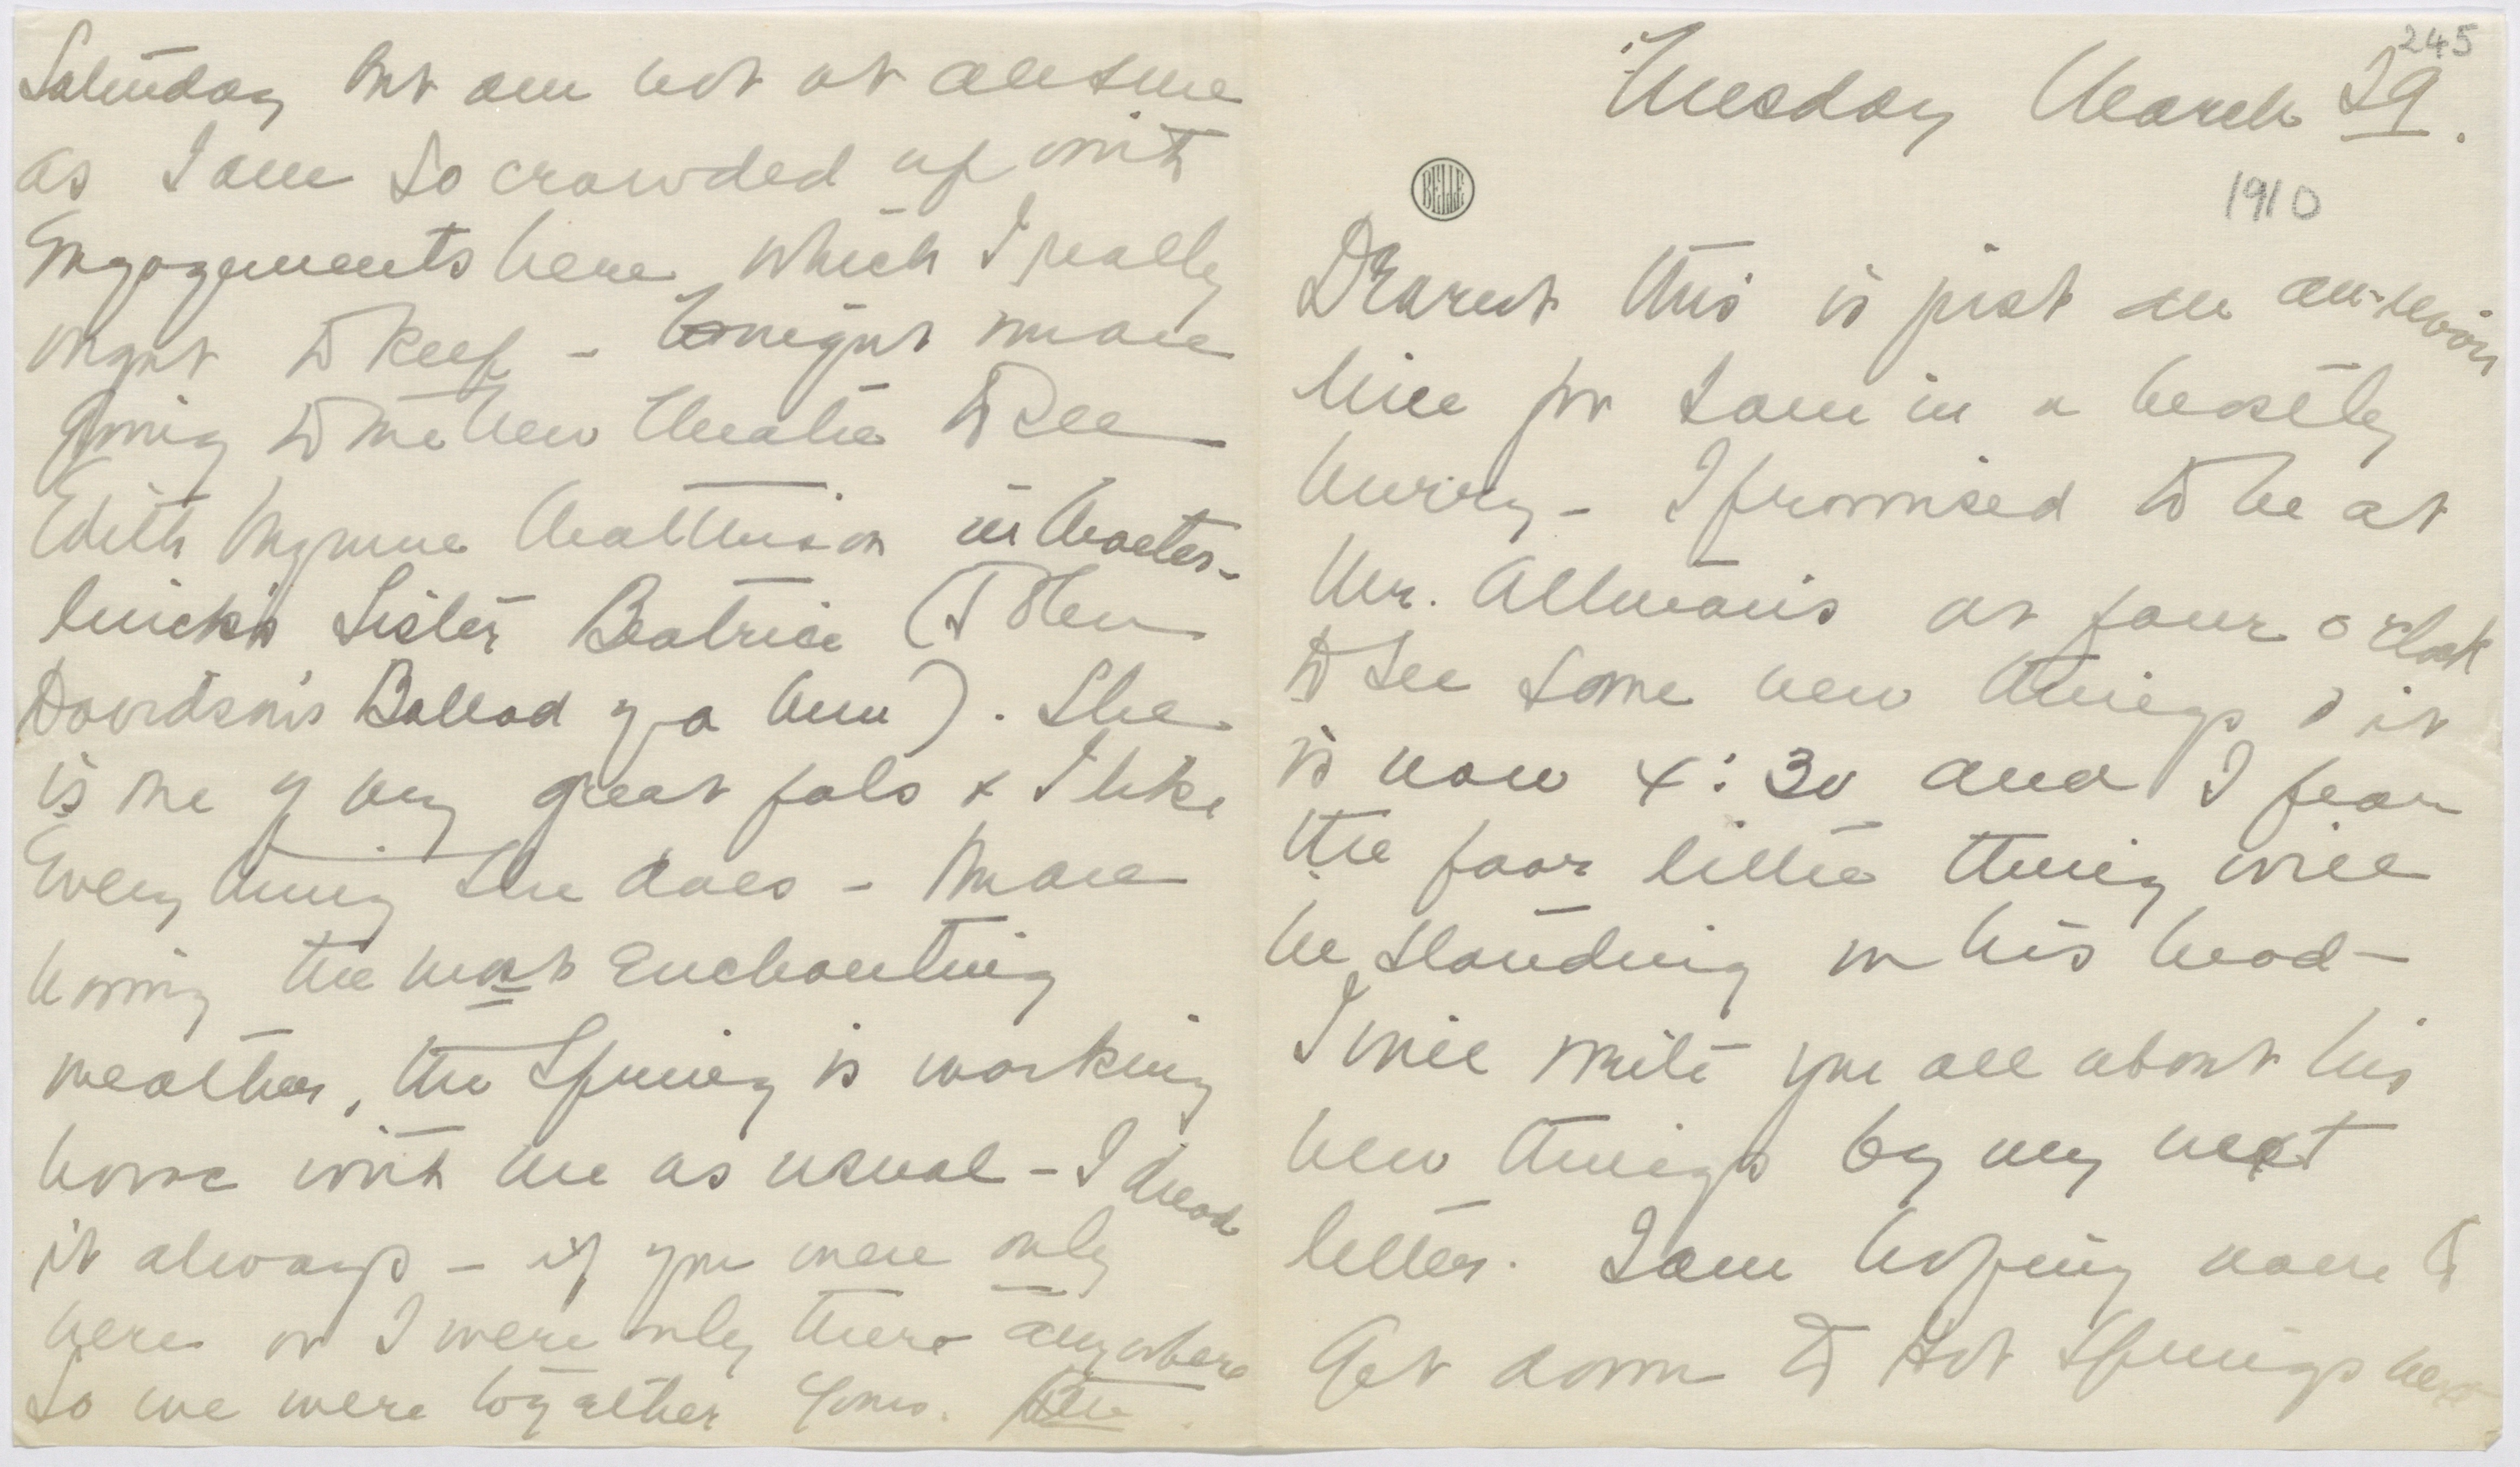Tuesday March 29.
Dearest this is just an au-revoir line for I am in a beastly hurry – I promised to be at Mr. Altman’s at four o’clock to see some new things & it is now 4:30 and I fear the poor little thing will be standing on his head – I will write you all about his new things by my next letter. I am hoping now to get down to Hot Springs next
Saturday but am not at all sure as I am so crowded up with Engagements here which I really ought to keep – Tonight we are going to the New Theatre to see Edith Wynne Matthison in Maeterlinck’s Sister Beatrice (John Davidson’s Ballad of a Nun). She is one of my great pals & I like every thing she does – We are having the most enchanting weather, the Spring is working [sic] havoc with me as usual – I dread it always – if you were only here or I were only there anywhere So we were together Yours. Belle.